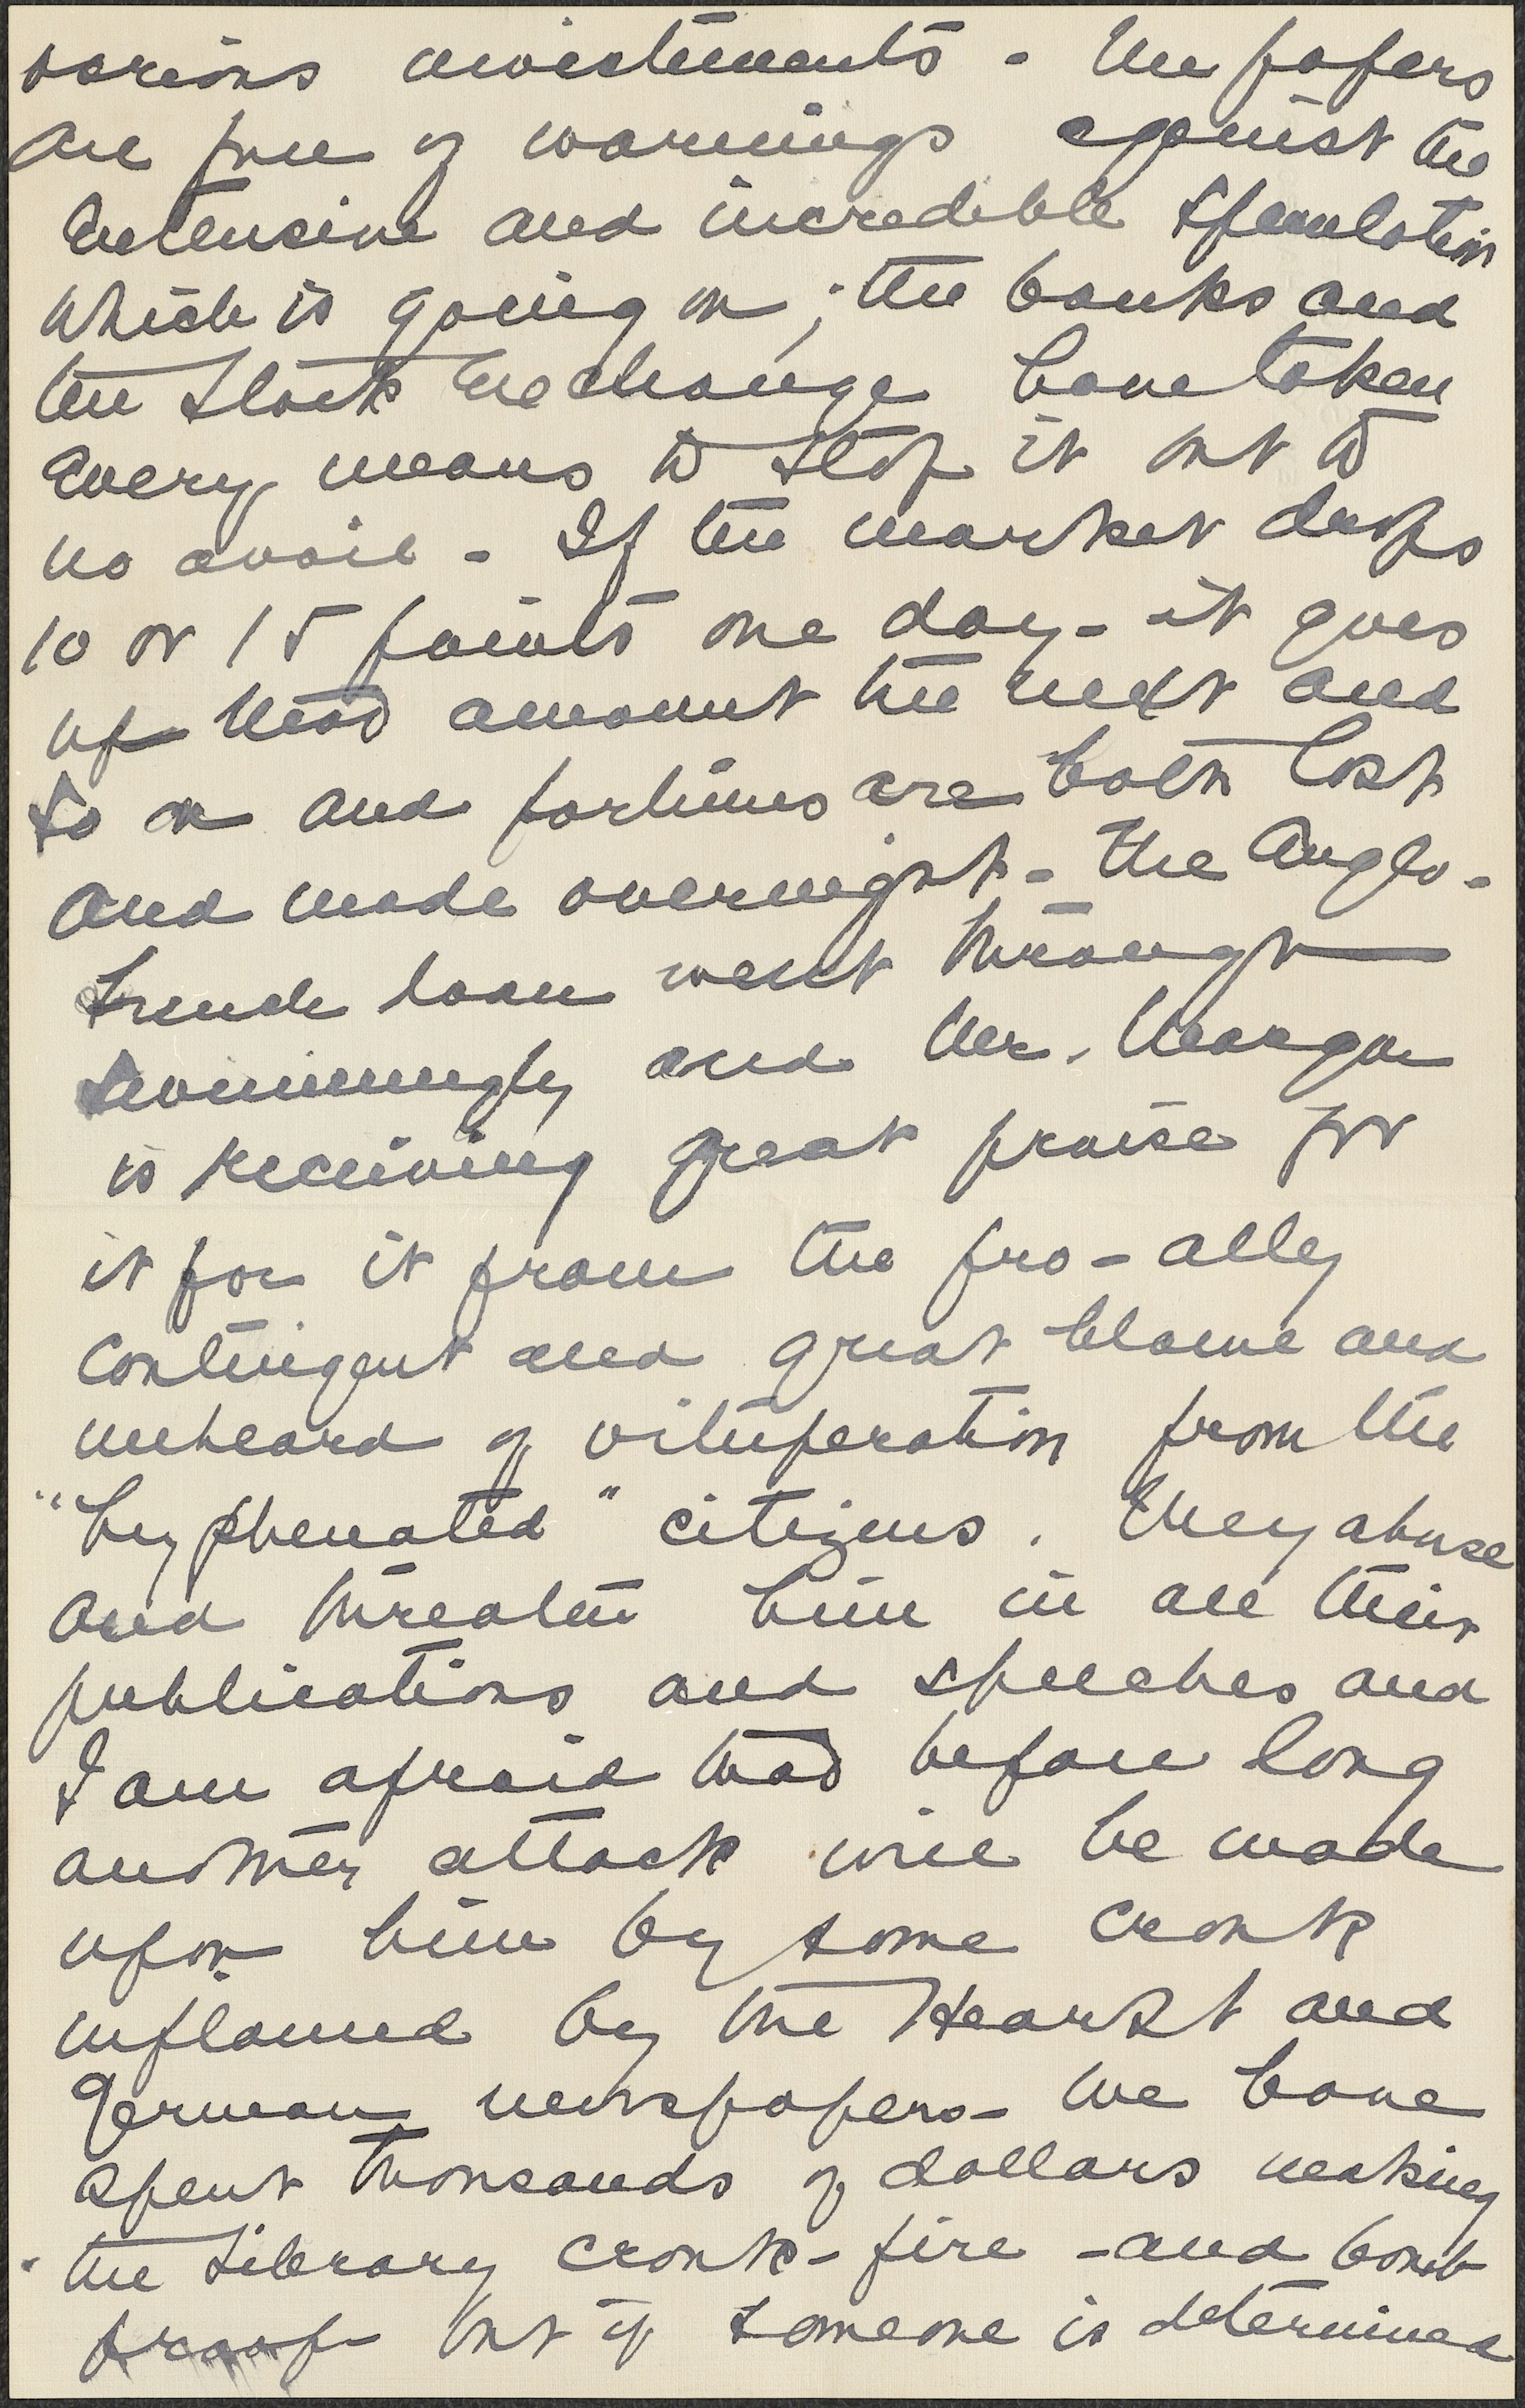various investments – The papers are full of warnings against the extensive and incredible speculation which is going on; the banks and the Stock Exchange have taken every means to stop it but to no avail – If the market drops 10 or 15 points one day – it goes up that amount the next and so on and fortunes are both lost and made overnight – The Anglo-French loan went through swimmingly and Mr. Morgan is receiving great praise for it for it [sic] from the pro-ally contingent and great blame and unheard of vituperation from the "hyphenated" citizens. They abuse and threaten him in all their publications and speeches and I am afraid that before long another attack will be made upon him by some crank inflamed by the Hearst and German newspapers – we have spent thousands of dollars making the Library crank-fire and bomb proof – but if someone is determined